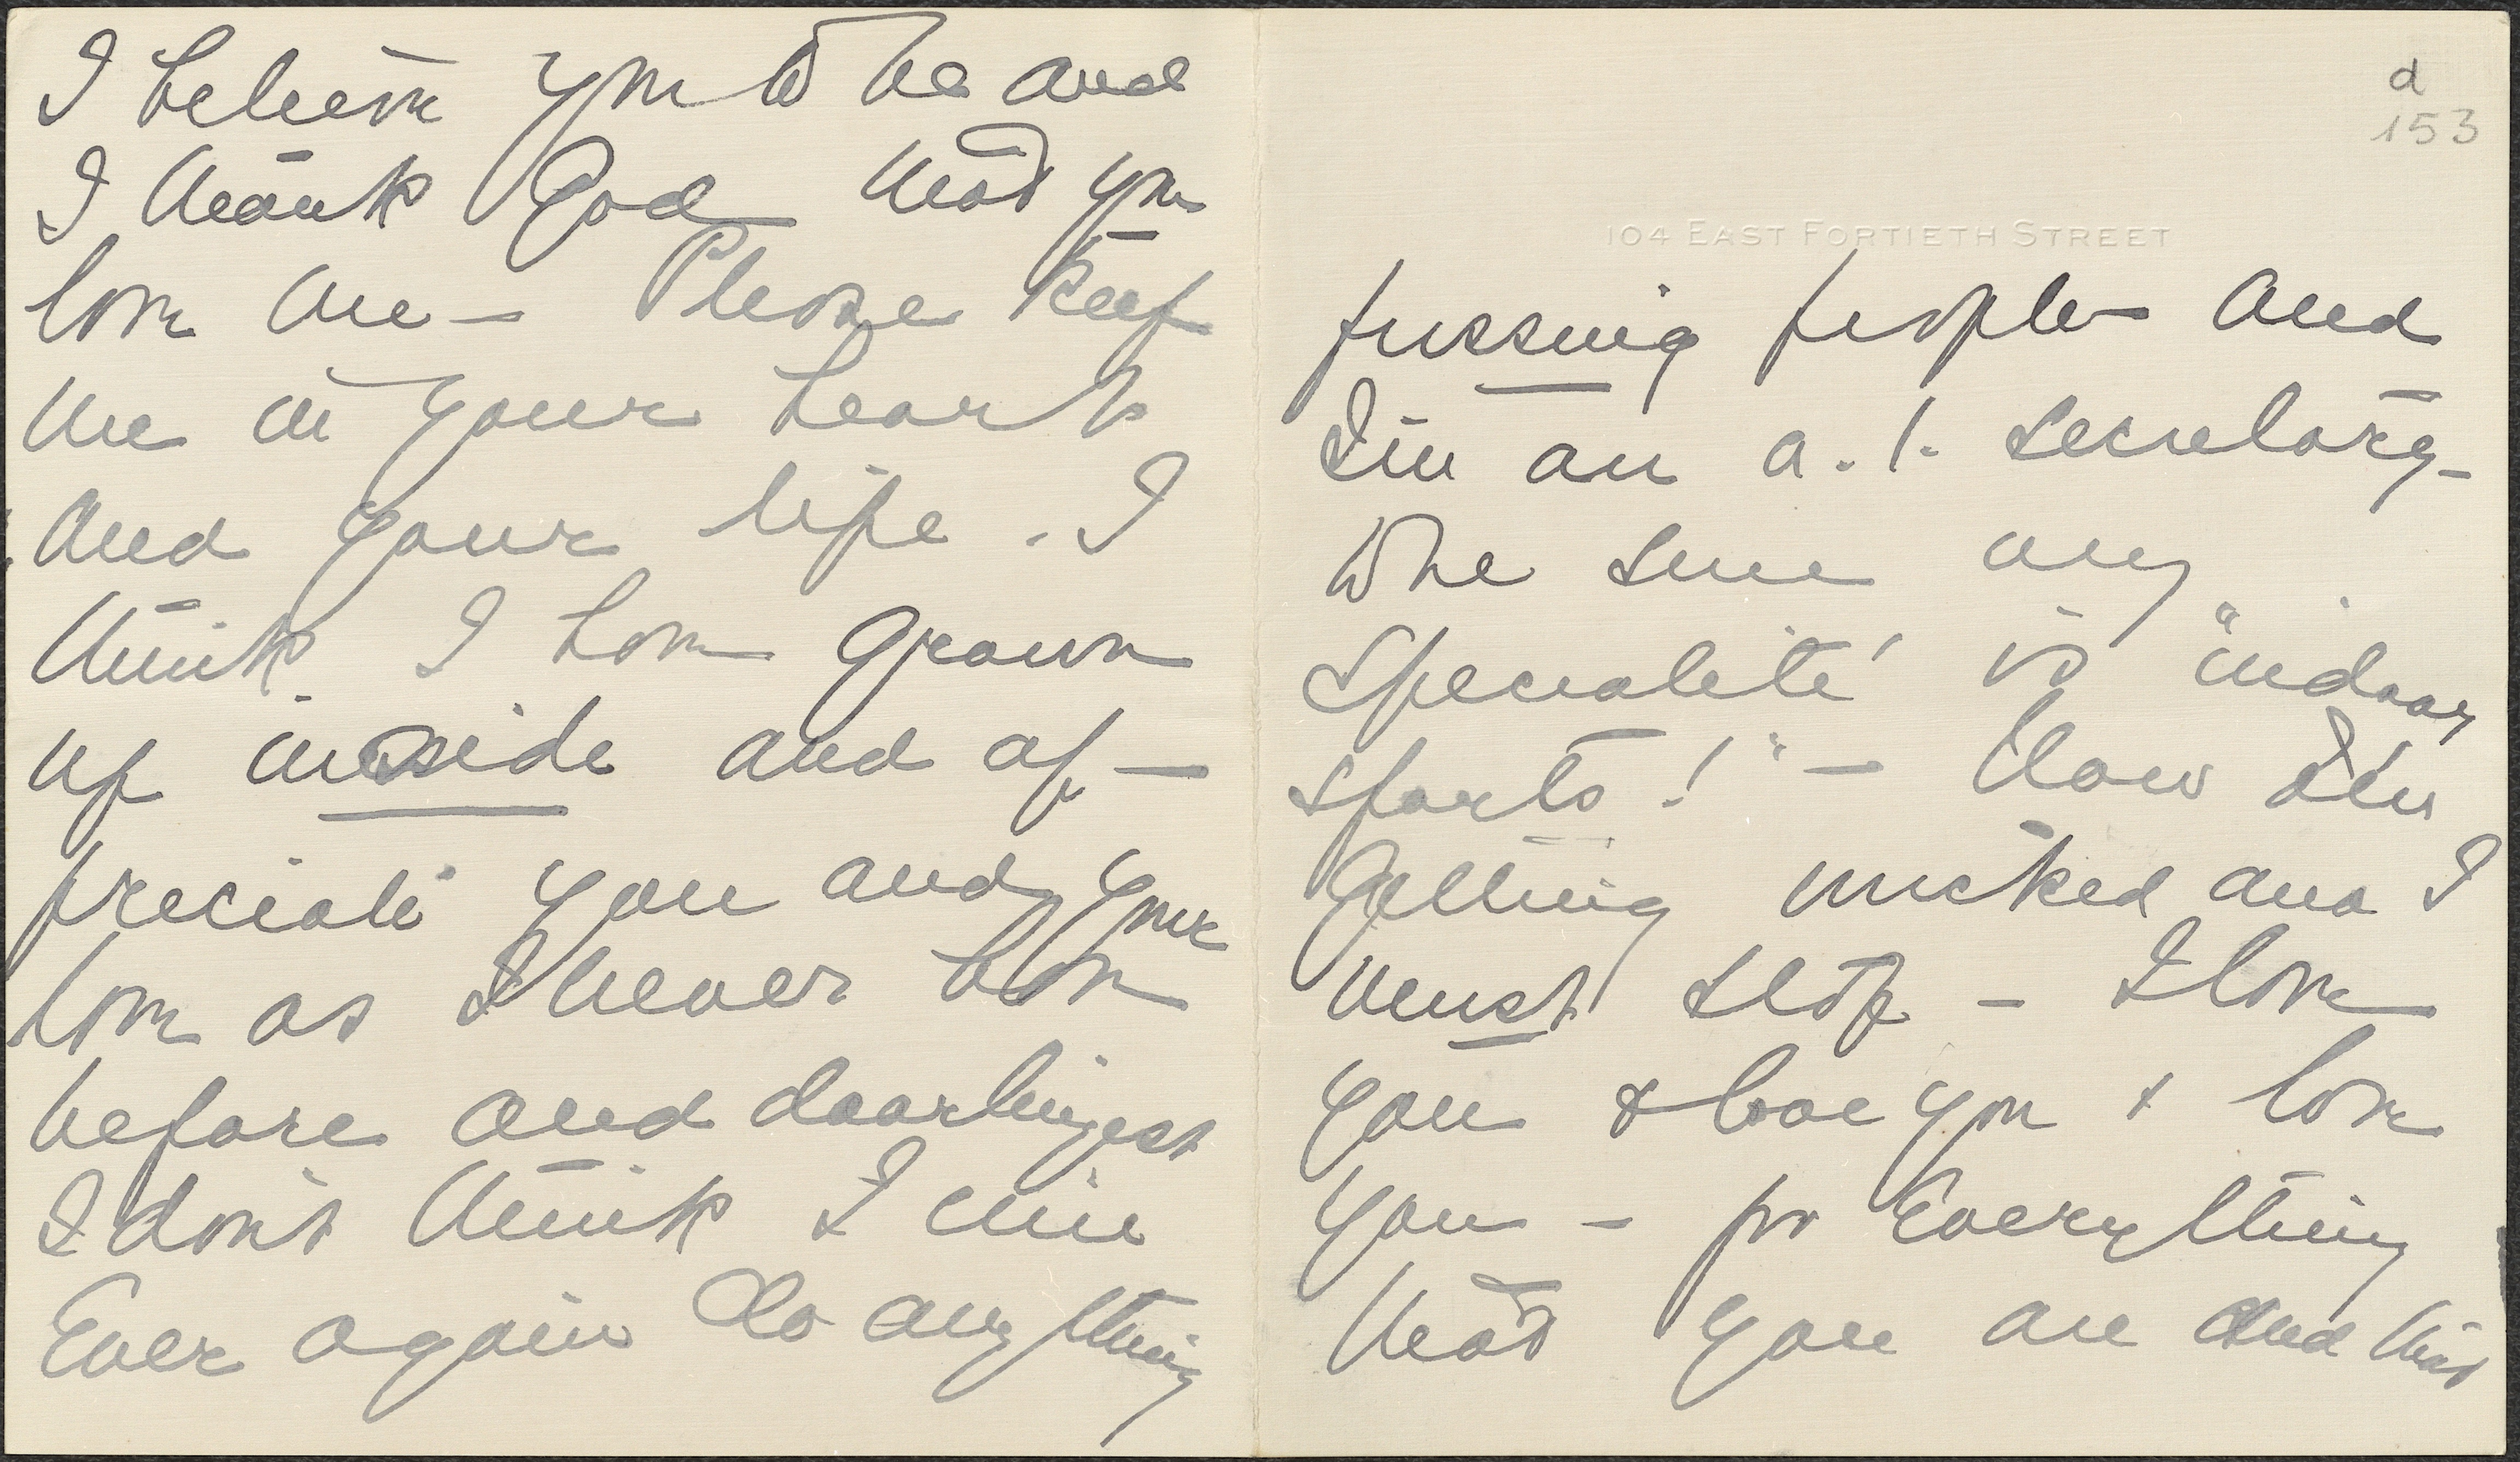fussing people and I’m an a. I. secretary to be sure my specialité is “indoor sports!” – Now I’m getting wicked and I must stop – I love you & love you & love you – for everything that you are and that
I believe you to be and I thank God that you love me – Please keep me in your heart and your life. I think I have grown up inside and appreciate you and your love as I never have before and daarlingest I don’t think I will ever again do anything